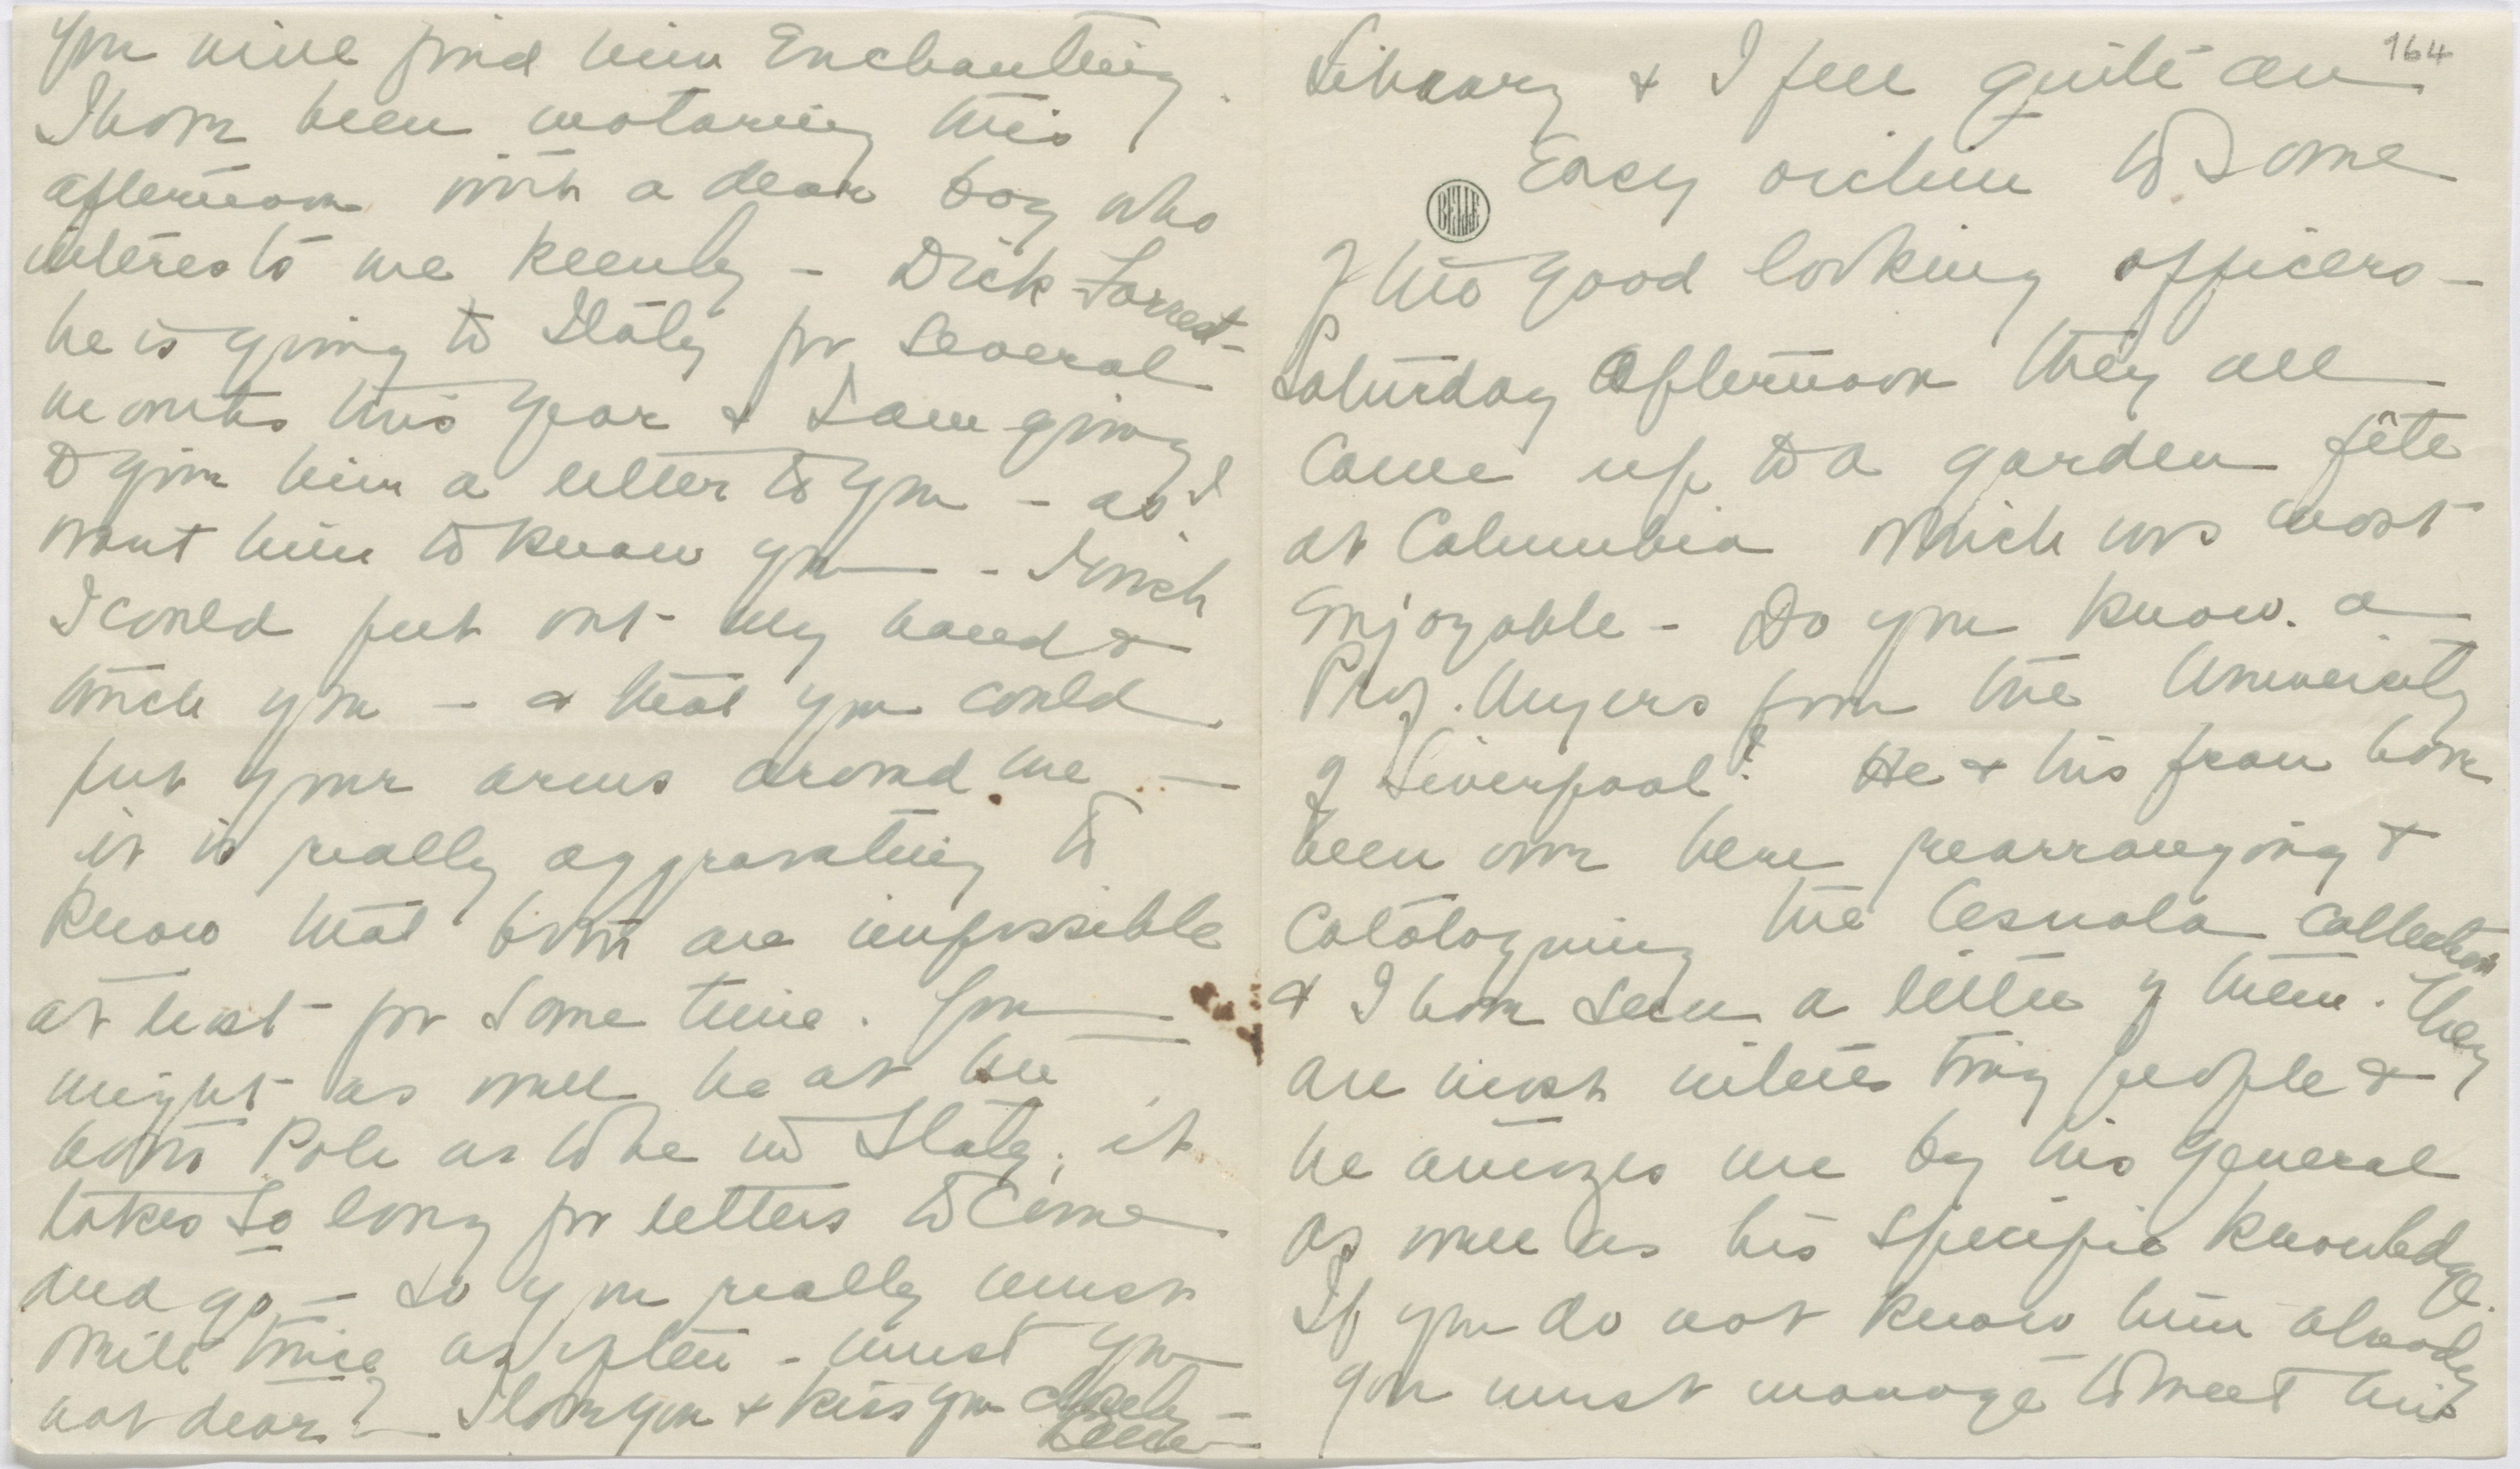Library & I feel quite an easy victim to some of the good looking officers – Saturday afternoon they all came up to a garden fête at Columbia which was most enjoyable – Do you know a Prof. Myers [sic] from the University of Liverpool? He & his frau have been over here rearranging & cataloging the Cesnola collection & I have seen a little of them. They are most interesting people & he amazes me by his general as well as his specific knowledge. If you do not know him already you must manage to meet him
you will find him enchanting. I have been motoring this afternoon with a dear boy who interests me keenly – Dick Forrest – he is going to Italy for several months this year & I am going to give him a letter to you – as I want him to know you – I wish I could put out my hand & touch you – & that you could put your arms around me – it is really aggravating to know that both are impossible at least for some time. You might as well be at the North Pole as to be in Italy; it takes so long for letters to come and go – so you really must write twice as often – must you not dear? – I love you & kiss you closely –
Belle –